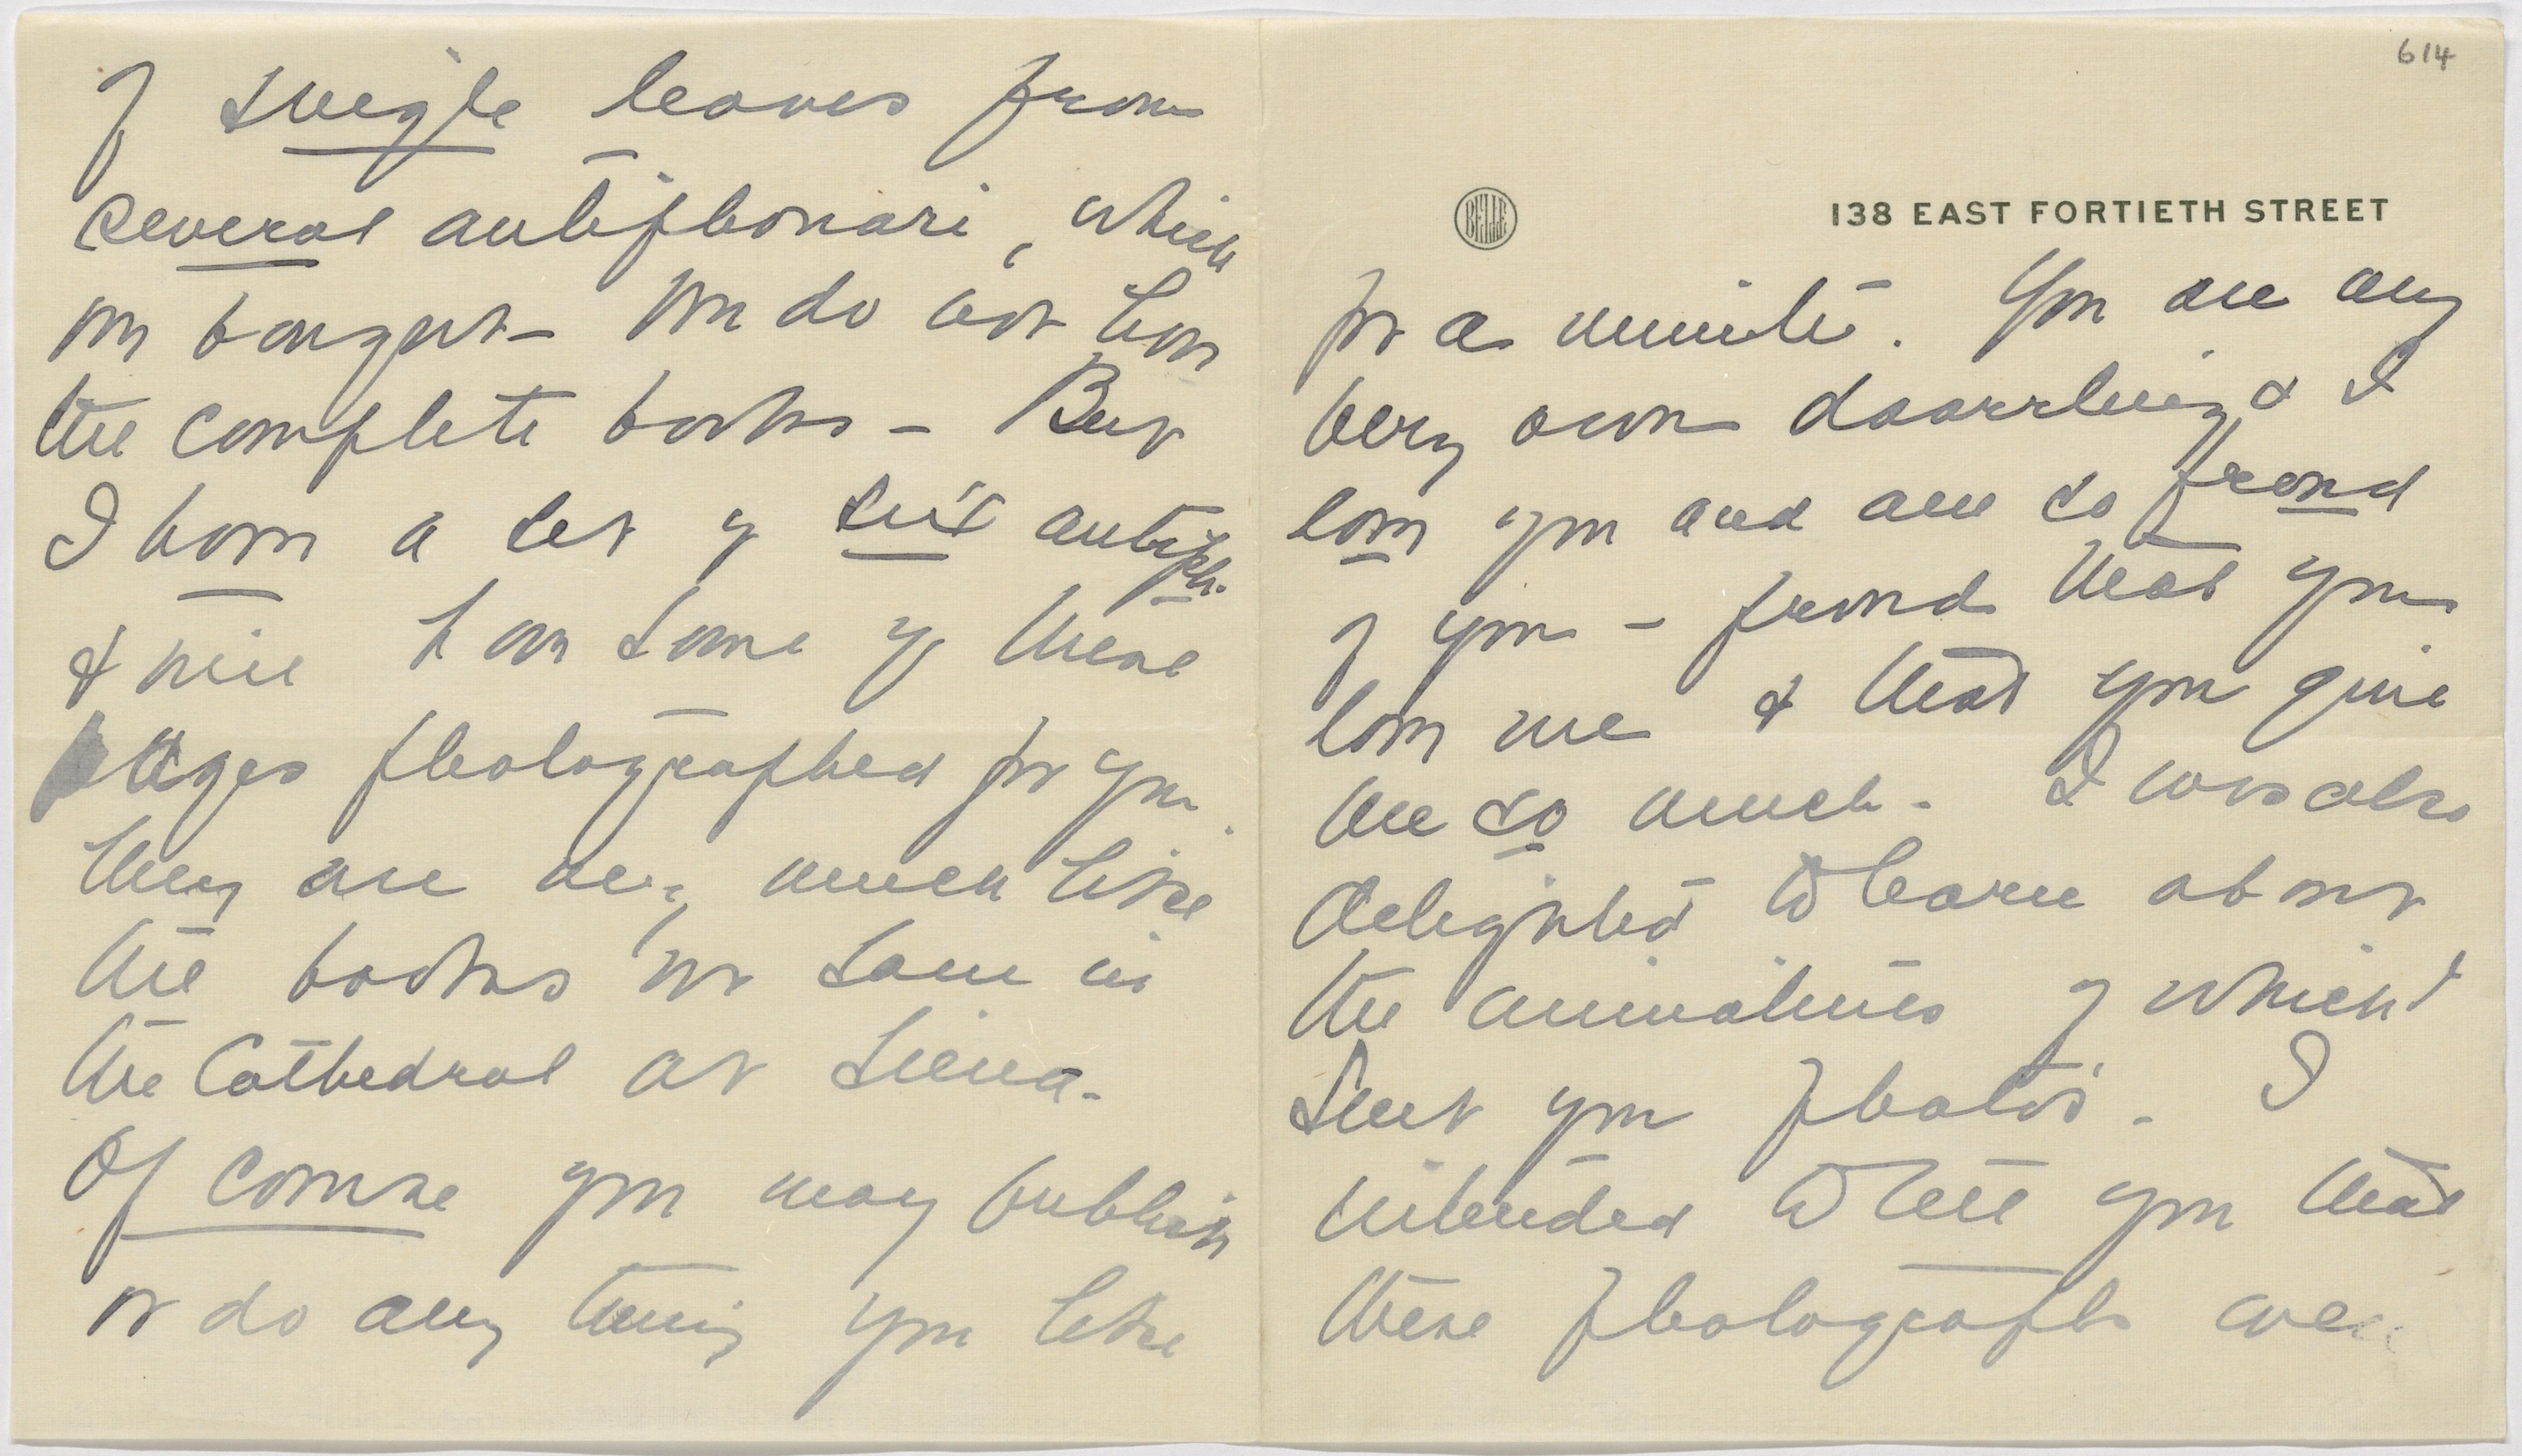for a minute. You are my very own daarrling & I love you and am so proud of you – proud that you love me & that you give me so much. I was also delighted to learn about the miniatures of which I sent you photos. I intended to tell you that these photographs were
of single leaves from several antiphonari, which we bought – We do not have the complete books – But I have a set of six antiph. & will have some of these pages photographed for you. They are very much like the books we saw in the Cathedral at Siena.
of course you may publish or do any thing you like